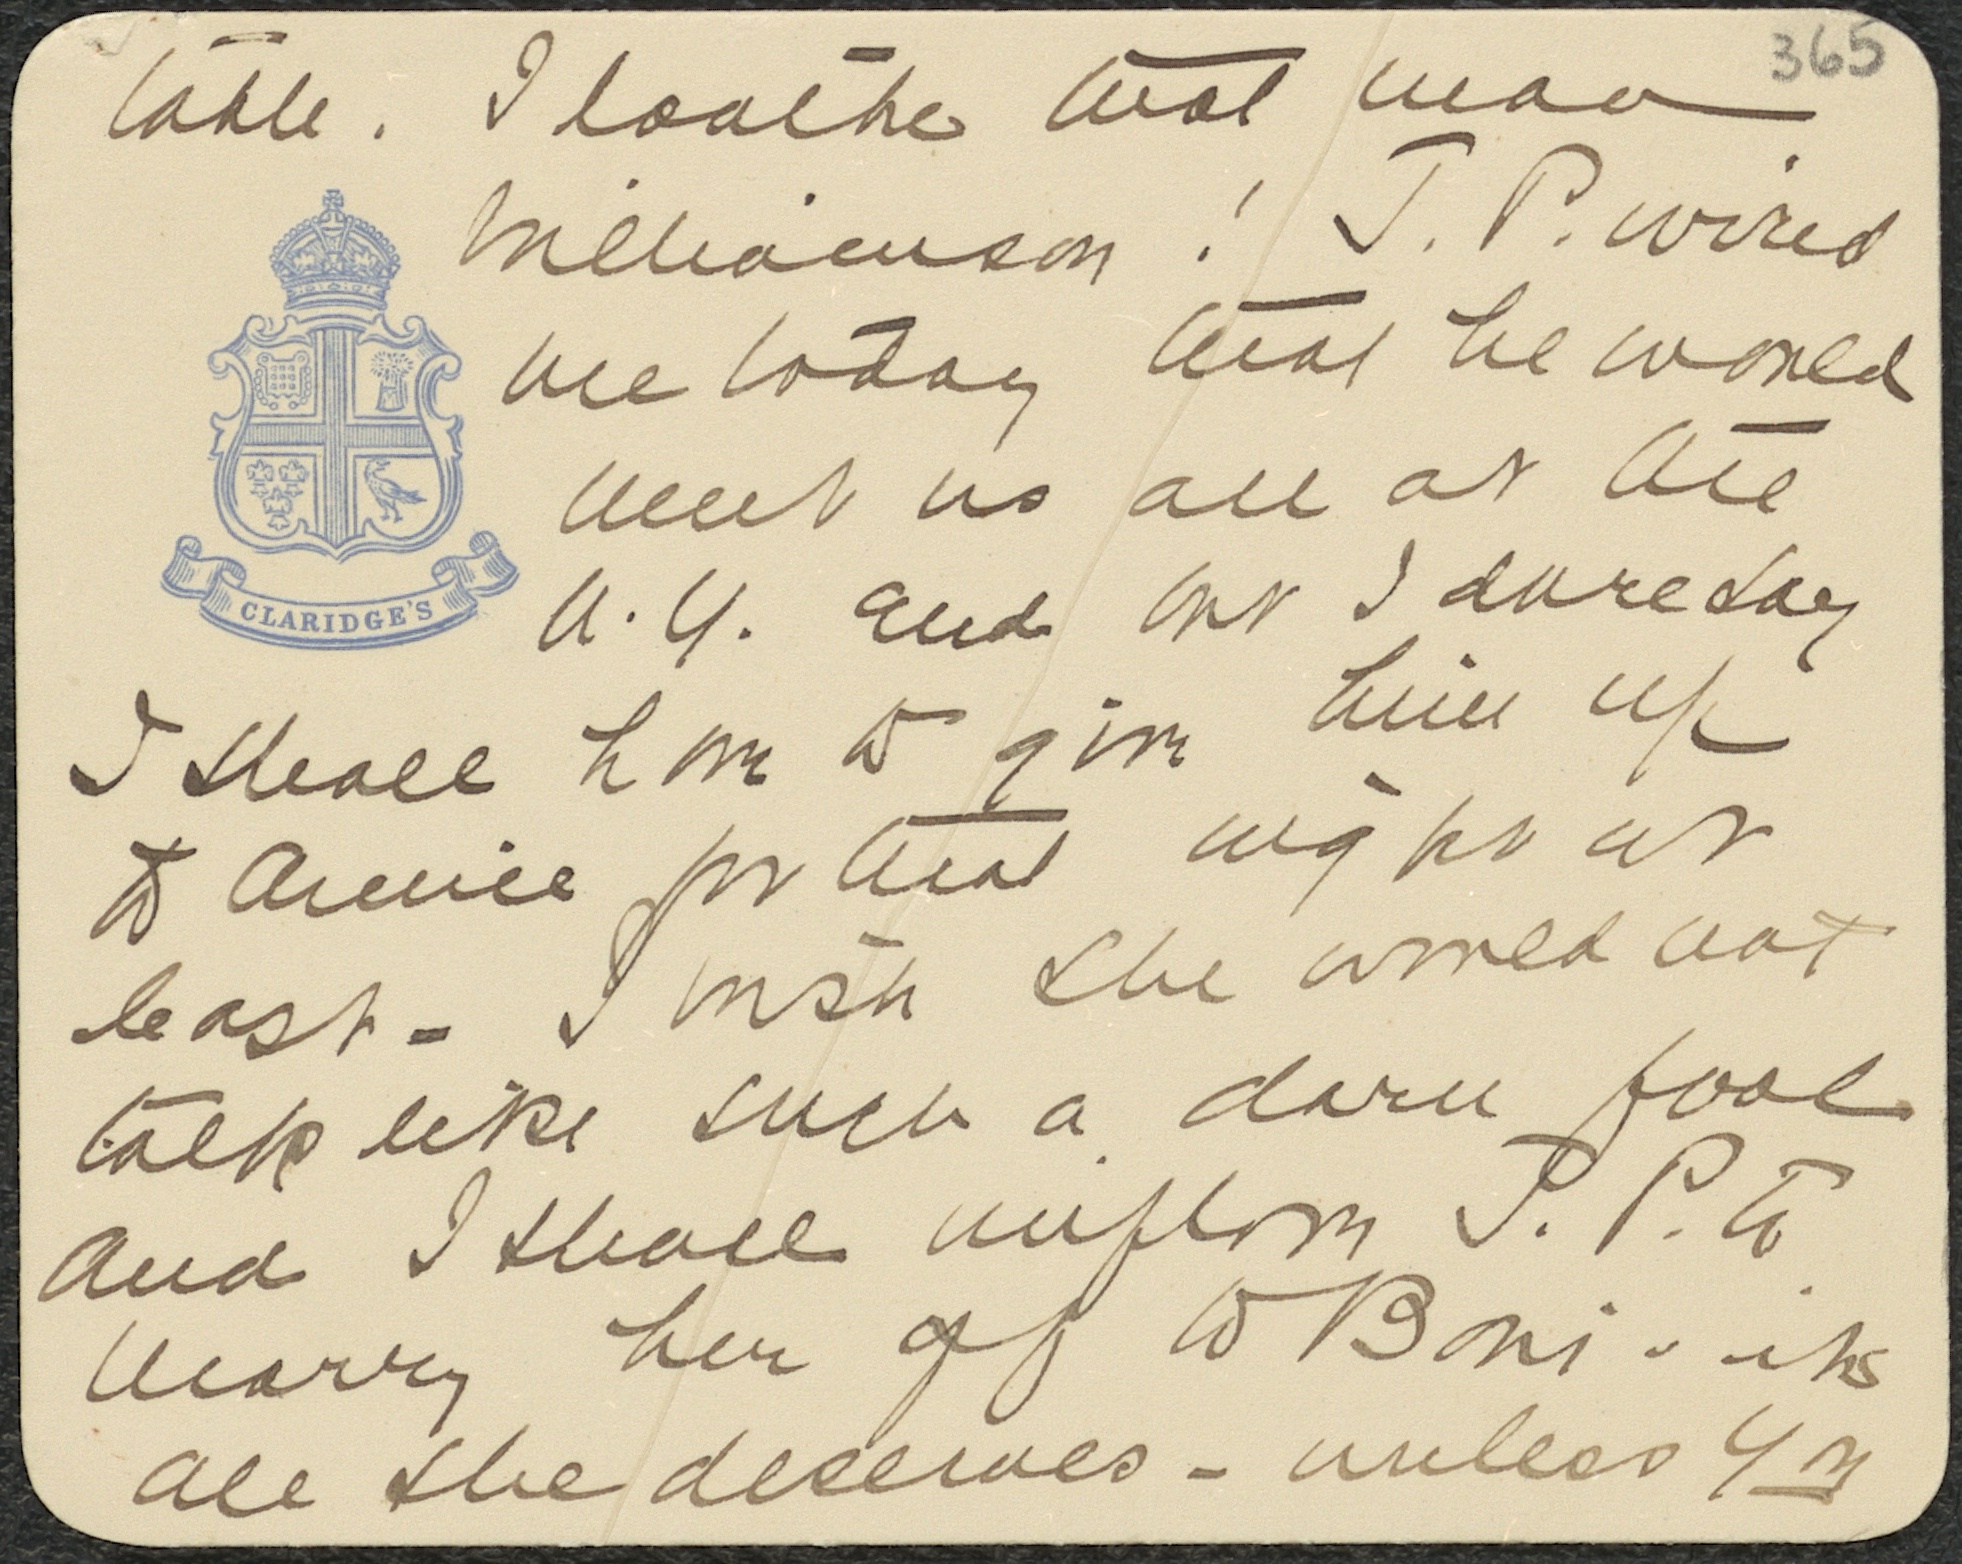table. I loathe that man Williamson! J. P. wired me today that he would meet us all at the N.Y. end but I dare say I shall have to give him up – to Annie for that night at least – I wish she would not talk like such a darn fool and I shall implore J. P. to marry her off to Boni – its all she deserves – unless you